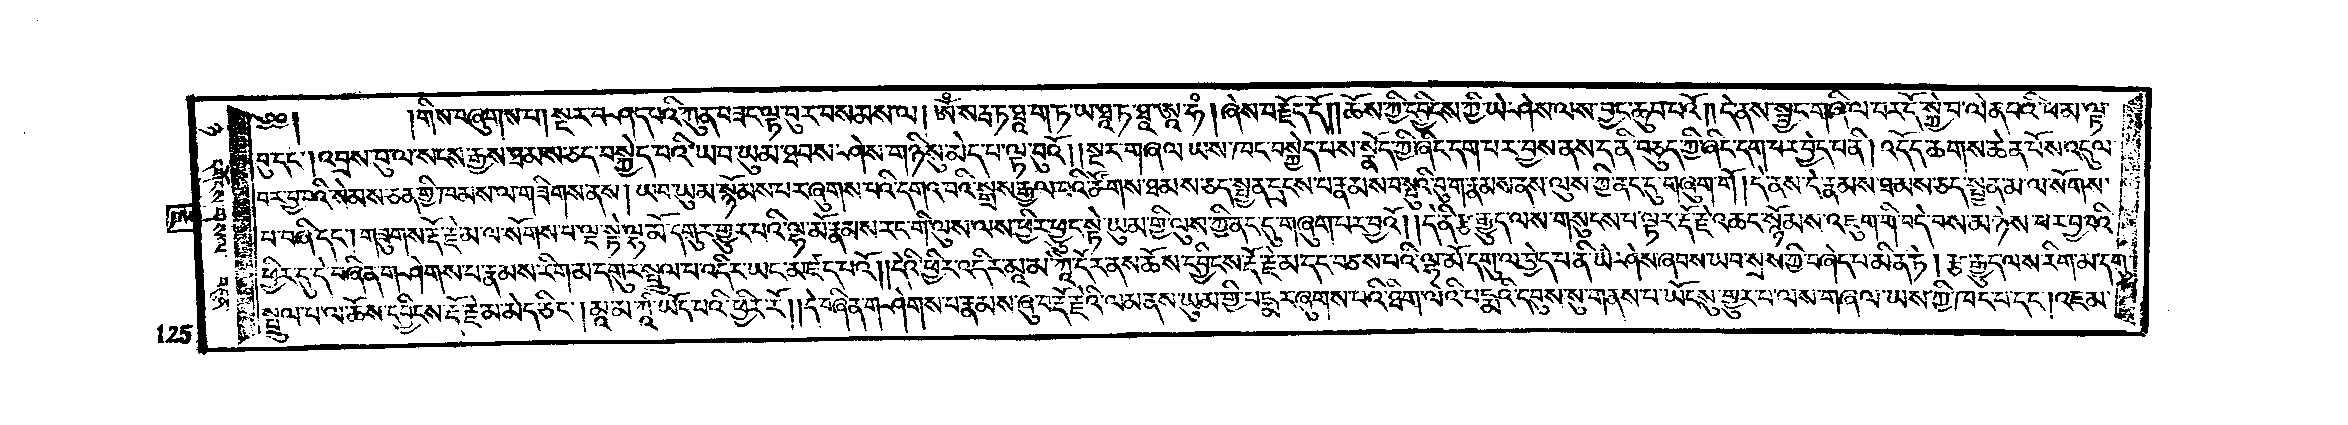༄༅། །གིས་བཞུགས་པ། སྔར་བཤད་པའི་ཀུན་བཟང་ལྟ་བུར་བསམས་ལ། ཨོཾ་སརྦ་ཏ་ཐཱ་ག་ཏ་ཡ་ཐཱ་ཏ་ཐཱ་ཨཱ་ཧཾ། ཞེས་བརྗོད་དོ། །ཆོས་ཀྱི་དབྱིངས་ཀྱི་ཡེ་ཤེས་ལས་བྱང་ཆུབ་པའོ། །དེ་ནས་སྦྱང་གཞི་ལ་བར་དོ་སྐྱེ་བ་ལེན་པའི་ཕ་མ་ལྟ་
བུ་དང་། འབྲས་བུ་ལ་སངས་རྒྱས་ཐམས་ཅད་བསྐྱེད་པའི་ཡབ་ཡུམ་ཐབས་ཤེས་གཉིས་སུ་མེད་པ་ལྟ་བུའོ། །སྔར་གཞལ་ཡས་ཁང་བསྐྱེད་པས་སྣོད་ཀྱི་ཞིང་དག་པར་བྱས་ནས་ད་ནི་བཅུད་ཀྱི་ཞིང་དག་པར་བྱེད་པ་ནི། འདོད་ཆགས་ཆེན་པོས་འདུལ་
བར་བྱ་བའི་སེམས་ཅན་གྱི་ཁམས་ལ་གཟིགས་ནས། ཡབ་ཡུམ་སྙོམས་པར་ཞུགས་པའི་དགའ་བའི་སྒྲས་རྒྱལ་བའི་ཚོགས་ཐམས་ཅད་སྤྱན་དྲངས་པ་རྣམས་བ་སྤུའི་བུ་ག་རྣམས་ནས་ལུས་ཀྱི་ནང་དུ་གཞུག་གོ །དེ་ནས་དེ་རྣམས་ཐམས་ཅད་སྤྱན་མ་ལ་སོགས་
པ་བཞི་དང་། གཟུགས་རྡོ་རྗེ་མ་ལ་སོགས་པ་ལྔ་སྟེ་ལྷ་མོ་དགུར་གྱུར་པའི་ལྷ་མོ་རྣམས་རང་གི་ལུས་ལས་ཕྱིར་ཕྱུང་སྟེ་ཡུམ་གྱི་ལུས་ཀྱི་ནང་དུ་གཞུག་པར་བྱའོ། །དེ་ནི་རྩ་རྒྱུད་ལས་གསུངས་པ་ལྟར་རྡོ་རྗེ་འཆང་སྙོམས་འཇུག་གི་བདེ་བས་མཉེས་པར་བྱ་བའི་
ཕྱིར་དུ་དེ་བཞིན་གཤེགས་པ་རྣམས་རིག་མ་དགུར་སྤྲུལ་པ་འདིར་ཡང་མཛད་པའོ། །དེའི་ཕྱིར་འདིར་མཱ་མ་ཀཱི་དོར་ནས་ཆོས་དབྱིངས་རྡོ་རྗེ་མ་དང་བཅས་པའི་ལྷ་མོ་དགུ་ལ་བྱེད་པ་ནི་ཡེ་ཤེས་ཞབས་ཡབ་སྲས་ཀྱི་བཞེད་པ་མིན་ཏེ། རྩ་རྒྱུད་ལས་རིག་མ་དགུ་
སྤྲུལ་པ་ལ་ཆོས་དབྱིངས་རྡོ་རྗེ་མ་མེད་ཅིང་། མཱ་མ་ཀཱི་ཡོད་པའི་ཕྱིར་རོ། །དེ་བཞིན་གཤེགས་པ་རྣམས་ཞུ་བ་རྡོ་རྗེའི་ལམ་ནས་ཡུམ་གྱི་པདམར་ཞུགས་པའི་ཐིག་ལེའི་པདམའི་དབུས་སུ་གནས་པ་ཡོངས་སུ་གྱུར་པ་ལས་གཞལ་ཡས་ཀྱི་ཁང་པ་དང་། འཇམ་